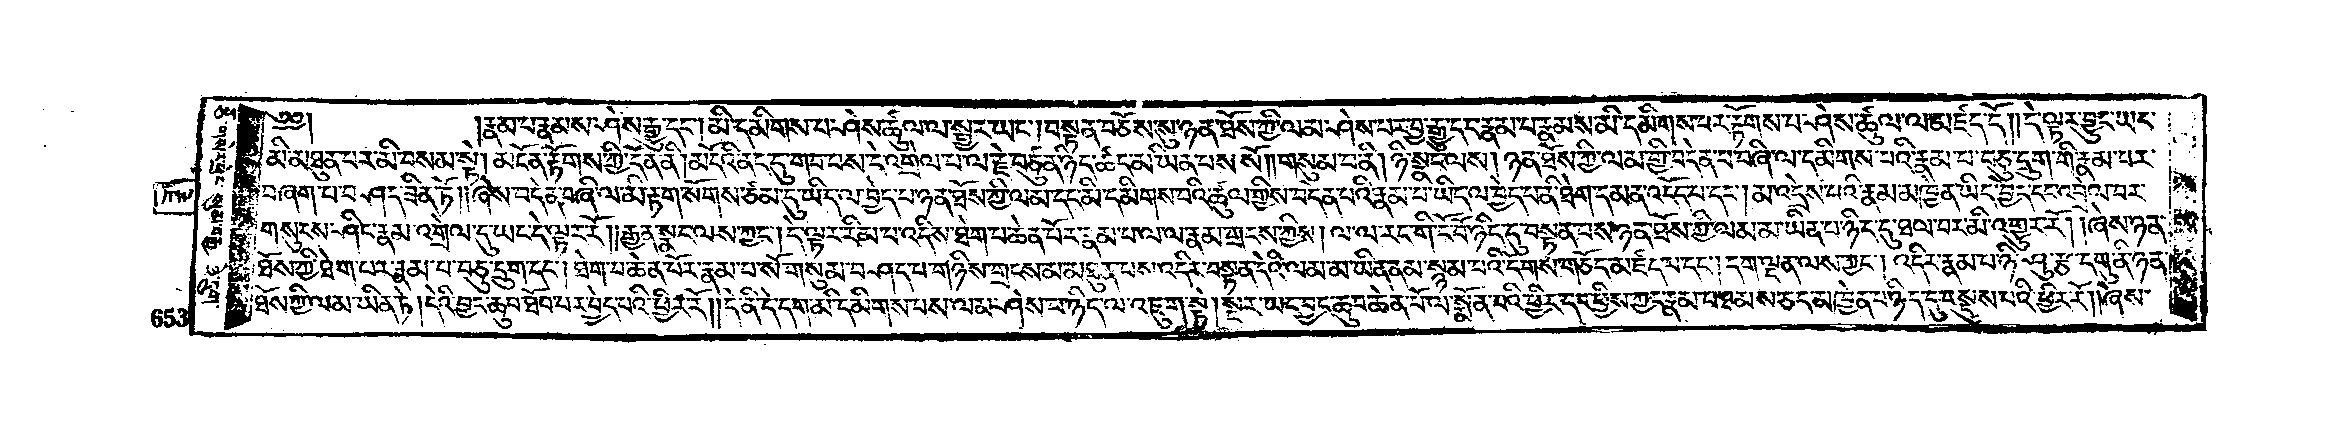༄༅། །རྣམ་པ་རྣམས་ཤེས་རྒྱུ་དང་། མི་དམིགས་པ་ཤེས་ཚུལ་ལ་སྦྱར་ཡང་། བསྟན་བཅོས་སུ་ཉན་ཐོས་ཀྱི་ལམ་ཤེས་པར་བྱ་རྒྱུ་དང་རྣམ་པ་རྣམས་མི་དམིགས་པར་རྟོགས་པ་ཤེས་ཚུལ་ལ་མཛད་དོ། །དེ་ལྟར་བྱུང་ཡང་
མི་མཐུན་པར་མི་བསམ་སྟེ། མངོན་རྟོགས་ཀྱི་དོན་ནི། མདོའི་ནང་དུ་གབ་པས་དེ་འགྲེལ་པ་ལ་རྗེ་བཙུན་ཉིད་ཚད་མ་ཡིན་པས་སོ། །གསུམ་པ་ནི། ཉི་སྣང་ལས། ཉན་ཐོས་ཀྱི་ལམ་གྱི་བདེན་པ་བཞི་ལ་དམིགས་པའི་རྣམ་པ་བཅུ་དྲུག་གི་རྣམ་པར་
བཞག་པ་བཤད་ཟིན་ཏོ། །ཞེས་བདེན་བཞི་ལ་མི་རྟག་སོགས་ཙམ་དུ་ཡིད་ལ་བྱེད་པ་ཉན་ཐོས་ཀྱི་ལམ་དང་མི་དམིགས་པའི་ཚུལ་གྱིས་བདེན་པའི་རྣམ་པ་ཡིད་ལ་བྱེད་པ་ནི་ཐེག་དམན་འདོད་པ་དང་། མ་འདྲེས་པའི་རྣམ་མཁྱེན་ཡིད་བྱེད་དང་འབྲེལ་བར་
གསུངས་ཤིང་རྣམ་འགྲེལ་དུ་ཡང་དེ་ལྟར་རོ། །རྒྱན་སྣང་ལས་ཀྱང་། དེ་ལྟར་རིམ་པ་འདིས་ཐེག་པ་ཆེན་པོར་རྣམ་པ་ལ་ལ་རྣམ་གྲངས་ཀྱིས། ལ་ལ་རང་གི་ངོ་བོ་ཉིད་དུ་བསྟན་པས་ཉན་ཐོས་ཀྱི་ལམ་མ་ཡིན་པ་ཉིད་དུ་ཐལ་བར་མི་འགྱུར་རོ། །ཞེས་ཉན་
ཐོས་ཀྱི་ཐེག་པར་རྣམ་པ་བཅུ་དྲུག་དང་། ཐེག་པ་ཆེན་པོར་རྣམ་པ་སོ་གསུམ་བཤད་པ་གཉིས་གྲངས་མ་མཐུན་པས་འདིར་བསྟན་དེའི་ལམ་མ་ཡིན་ནམ་སྙམ་པའི་དོགས་གཅོད་མཛད་པ་དང་། དག་ལྡན་ལས་ཀྱང་། འདིར་རྣམ་པ་ཉི་ཤུ་རྩ་དགུ་ནི་ཉན་
ཐོས་ཀྱི་ལམ་ཡིན་ཏེ། དེའི་བྱང་ཆུབ་ཐོབ་པར་བྱེད་པའི་ཕྱིར་རོ། །དེ་ནི་དེ་དག་མི་དམིགས་པས་ལམ་ཤེས་པ་ཉིད་ལ་འཇུག་སྟེ། སྔར་ཡང་བྱང་ཆུབ་ཆེན་པོ་ལ་སྨོན་པའི་ཕྱིར་དང་ཕྱིས་ཀྱང་རྣམ་པ་ཐམས་ཅད་མཁྱེན་པ་ཉིད་དུ་བསྡུས་པའི་ཕྱིར་རོ། །ཞེས་